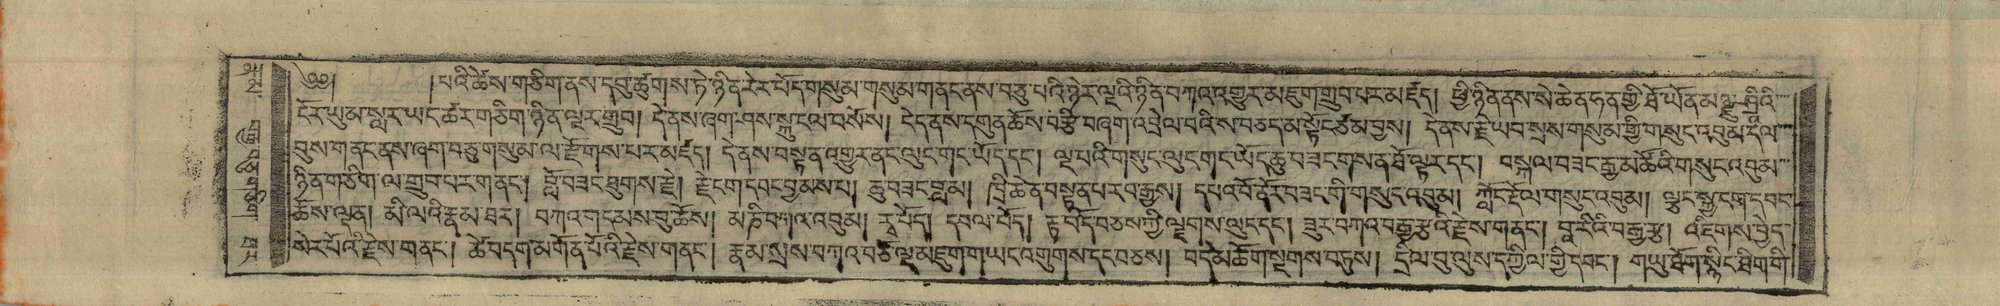༄༅། །པའི་ཚེས་གཅིག་ནས་དབུ་ཚུགས་ཏེ་ཉིན་རེར་པོད་གསུམ་གསུམ་གནང་ནས་བཅུ་པའི་ཉེར་ལྔའི་ཉིན་བཀའ་འགྱུར་མཇུག་གྲུབ་པར་མཛད། ཕྱི་ཉིན་ནས་སེ་ཆེན་ཧན་གྱི་ཐོ་ཡོན་མཉྫུ་ཤྲཱིའི་
ངོར་ཡུམ་སླར་ཡང་ཚར་གཅིག་ཉིན་ལྔར་གྲུབ། དེ་ནས་ཞག་ཤས་སྐུ་ངལ་བསོས། ངེད་ནས་དགུན་ཆོས་བརྩི་བཞག་འབྲེལ་བའི་ས་བཅད་མ་སྟོང་ཙམ་བྱས། དེ་ནས་རྗེ་ཡབ་སྲས་གསུམ་གྱི་གསུང་འབུམ་དལ་
བུས་གནང་ནས་ཞག་བཅུ་གསུམ་ལ་རྫོགས་པར་མཛད། དེ་ནས་བསྟན་འགྱུར་ནང་ལུང་གང་ཡོད་དང་། ལྔ་པའི་གསུང་ལུང་གང་ཡོད་ཆུ་བཟང་གསན་ཐོ་ལྟར་དང་། བསྐལ་བཟང་རྒྱ་མཚོའི་གསུང་འབུམ་
ཉིན་གཅིག་ལ་གྲུབ་པར་གནང་། བློ་བཟང་ཐུགས་རྗེ། རྗེ་ངག་དབང་བྱམས་པ། ཆུ་བཟང་བླ་མ། ཁྲི་ཆེན་བསྟན་པ་རབ་རྒྱས། དཔའ་བོ་ནོར་བཟང་གི་གསུང་འབུམ། ཀློང་རྡོལ་གསུང་འབུམ། ལྕང་སྐྱ་ངག་དབང་
ཆོས་ལྡན། མི་ལའི་རྣམ་ཐར། བཀའ་གདམས་བུ་ཆོས། མ་ཎི་བཀའ་འབུམ། རྭ་པོད། དཔལ་བོད། རྟ་བོད་བཅས་ཀྱི་ལྗགས་ལུང་དང་། ཟུར་བཀའ་བརྒྱ་རྩའི་རྗེས་གནང་། པཱ་རིའི་བརྒྱ་རྩ། འཇིགས་བྱེད་
སེར་པོའི་རྗེས་གནང་། ཚེ་བདག་མགོན་པོའི་རྗེས་གནང་། རྣམ་སྲས་བཀའ་བཅོ་ལྔ་མཇུག་གཡང་འགུགས་དང་བཅས། བདེ་མཆོག་སྔགས་བཏུས། དྲིལ་བུ་ལུས་དཀྱིལ་གྱི་དབང་། གཡུ་ཐོག་སྙིང་ཐིག་གི་